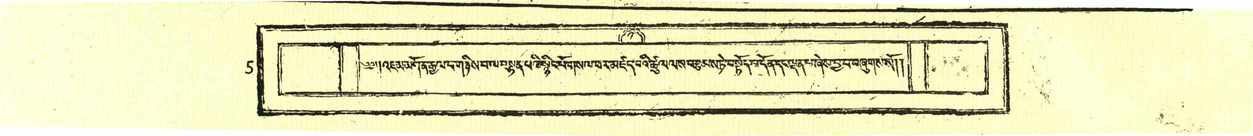༄༅། །འཇམ་མགོན་རྒྱལ་པ་གཉིས་བ་ལ་བསྟན་པའི་སྙིང་པོ་གསལ་བར་མཛད་པའི་ཚུལ་ལས་བརྩམས་ཏེ་བསྟོད་པ་དོན་དང་ལྡན་པ་ཞེས་བྱ་བ་བཞུགས་སོ།།